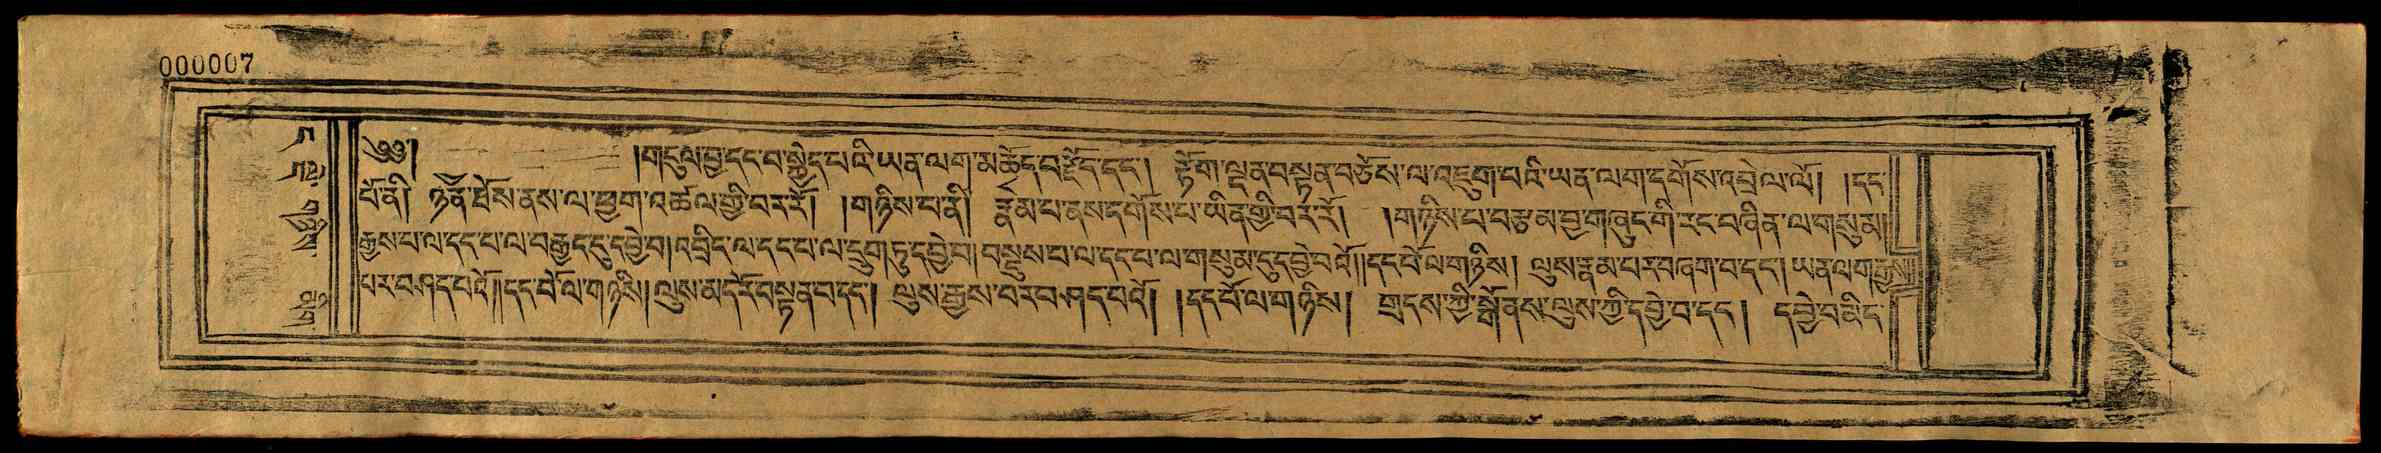༄༅། །གདུལ་བྱ་དང་བ་སྐྱེད་པའི་ཡན་ལག་མཆོད་བརྗོད་དང་། རྟོག་ལྡན་བསྟན་བཅོས་ལ་འཇུག་པའི་ཡན་ལག་དགོས་འབྲེལ་ལོ། །དང་
པོ་ནི། ཉན་ཐོས་ནས་ལ་ཕྱག་འཚལ་གྱི་བར་རོ། །གཉིས་པ་ནི། རྣམ་པ་ནས་དགོས་པ་ཡིན་གྱི་བར་རོ། །གཉིས་པ་བརྩམ་བྱ་གཞུང་གི་རང་བཞིན་ལ་གསུམ།
རྒྱས་པ་ལ་དད་པ་ལ་བརྒྱད་དུ་དབྱེ་བ། འབྲིང་ལ་དད་པ་ལ་དྲུག་ཏུ་དབྱེ་བ། བསྡུས་པ་ལ་དད་པ་ལ་གསུམ་དུ་དབྱེ་བའོ། །དང་པོ་ལ་གཉིས། ལུས་རྣམ་པར་བཞག་པ་དང་། ཡན་ལག་རྒྱས་
པར་བཤད་པའོ། །དང་པོ་ལ་གཉིས། ལུས་མདོར་བསྟན་པ་དང་། ལུས་རྒྱས་པར་བཤད་པའོ། །དང་པོ་ལ་གཉིས། གྲངས་ཀྱི་སྒོ་ནས་ལུས་ཀྱི་དབྱེ་བ་དང་། དབྱེ་བ་མིང་